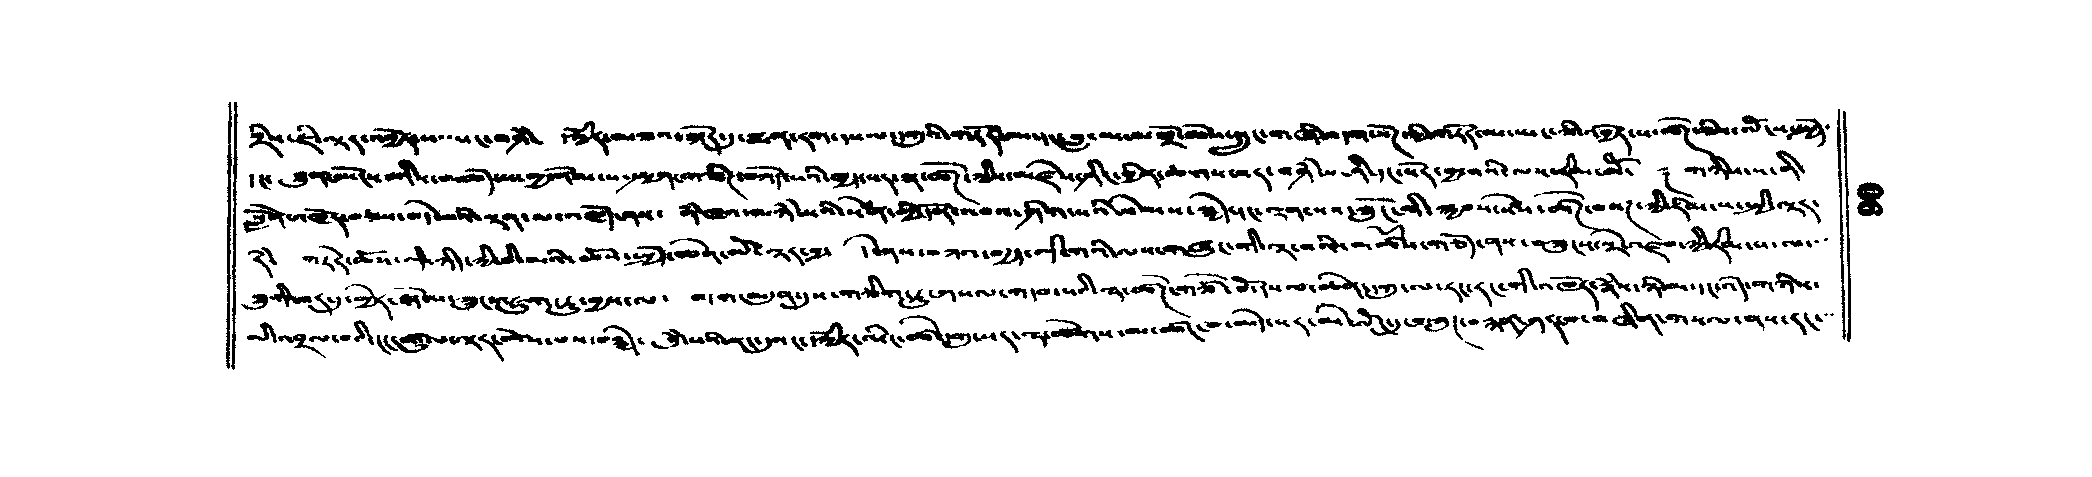བྲིས་ཇི་ལྟར་འབྱོར་པ་ཡང་བཤམ། དཀྱིལ་འཁོར་མཐའ་སྐོར་དུ་སྨན་རག་དཔལ་དགུའི་གཏོར་མ་དང་བླ་མ་མཁའ་འགྲོ་ཆོས་སྲུང་གཞི་བདག་སོགས་ཀྱི་གཏོར་མ་ཡང་ཅི་འབྱོར་པ་ཚོགས་ཀྱིས་ལོངས་སྤྱོད་
དང་། ཐུན་མོང་གིས་མཆོད་པ་བྱ་སྒོམ་པ་སྤྱན་གཟིགས་བཀོད་པའི་ཁྱད་པར་སྣ་ཚོགས་ཀྱིས་མཛེས་ཤིང་བྱིན་ཆགས་པར་བཤམཔ་ཤི་དང་པོར་བྱ་བའི་ལས་རིམ་མོ། ༈ གཉིས་པ་ནི། 
སློབ་དཔོན་འཁོར་བཅས་བདེ་བའི་ལྡན་ལ་འཁོད་ནས། ནམ་མཁའ་མཉམ་པའི་སེམས་ཅན་གྱི་དོན་འབའ་ཞིག་སའི་སེམས་སྐྱེད་དང་ལྡན་པས་ཐུན་མོང་གི་སྐྱབས་སེམས་ཚོགས་བསགས་ཀྱི་རིམ་པ་སྤྱི་ལྟར་
རམ། གཏེར་ཆོས་འདི་ཉིད་ཀྱི་བི་མའི་ཆོས་སྤྱོད་ཆེན་མོ་ལྟར་བྱ། དེ་ནས་བཀའ་བརྒྱད་འདི་གའི་ལས་གཞུང་གི་ལྟ་བའི་མཚམས་གཅོད་ནས་བཟུངས་ཏེ་འཛབ་ཀྱི་རིམ་པ་ལ་
ཐུག་གི་བར་དུ་ཁྱེར་སྒོམ་ཟུང་འཇུག་ཏུ་བྱས་ལ། བདག་མདུན་དུས་གཅིག་ཏུ་གསལ་གདབ་པའི་སྣ་ཚོགས་གཙོ་བོ་དཔལ་ཆེན་དགུ་ལ་རང་རང་གི་འཁོར་རྣམས་ཉི་མ་དང་འོད་གཉིས་
མི་འབྲལ་བའི་ངང་ཚུལ་ལྟར་ཆོས་པས་བསྐྱེད། བུམ་པའི་ནང་དུའང་དཀྱིལ་འཁོར་ལིང་ཚེ་དགུ་པར་ལྷ་ཚོགས་མ་ཚང་བ་མེད་པར་མི་ལོང་དུ་གཟུགས་བརྙན་ཤར་བ་བཞིན་གསལ་ནས་རང་